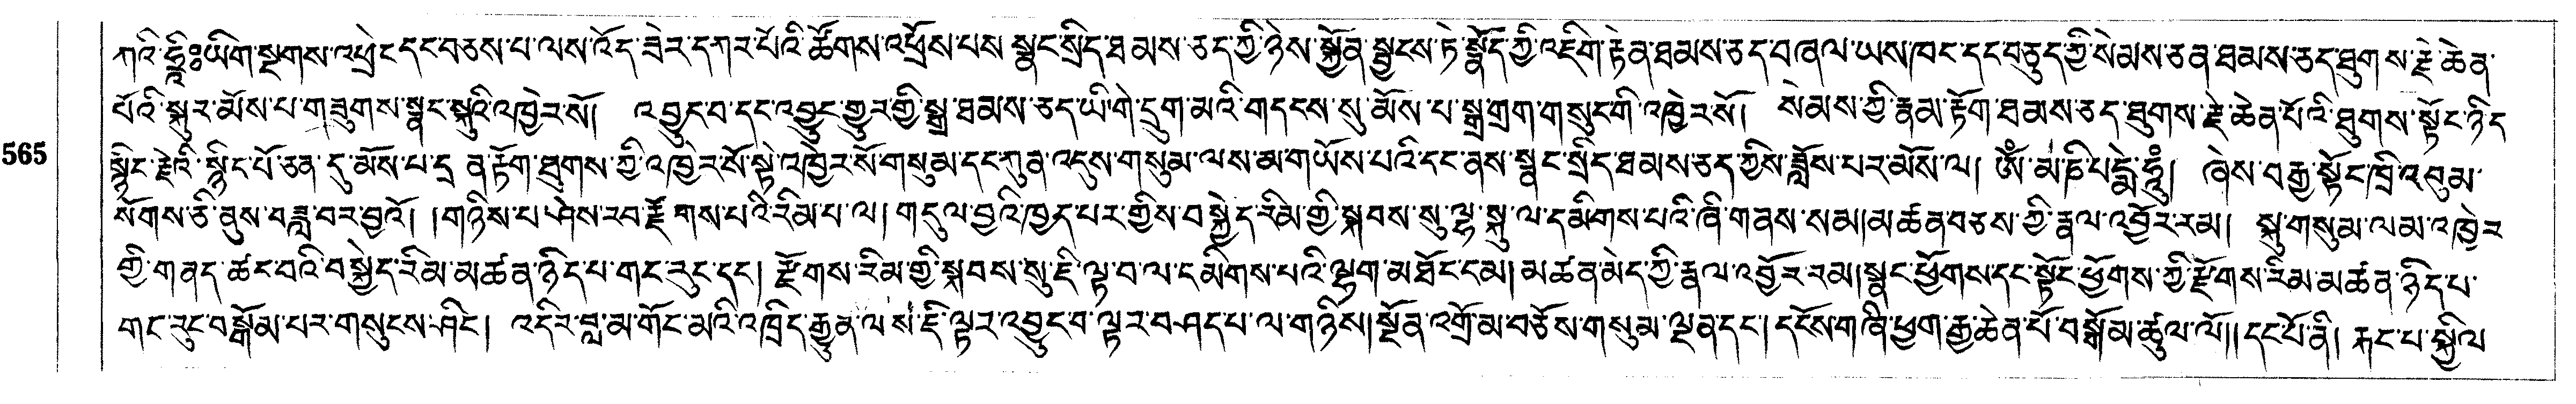ཀའི་ཧྲཱིཿ ཡིག་སྔགས་འཕྲེང་དང་བཅས་པ་ལས་འོད་ཟེར་དཀར་པོའི་ཚོགས་འཕྲོས་པས་སྣང་སྲིད་ཐམས་ཅད་ཀྱི་ཉེས་སྐྱོན་སྦྱངས་ཏེ་སྣོད་ཀྱི་འཇིག་རྟེན་ཐམས་ཅད་བཞལ་ཡས་ཁང་དང་བཅུད་ཀྱི་སེམས་ཅན་ཐམས་ཅད་ཐུགས་རྗེ་ཆེན་
པོའི་སྐུར་མོས་པ་གཟུགས་སྣང་སྐུའི་འཁྱེར་སོ། འབྱུང་བ་དང་འབྱུང་གྱུར་གྱི་སྒྲ་ཐམས་ཅད་ཡི་གེ་དྲུག་མའི་གདངས་སུ་མོས་པ་སྒྲ་གྲག་གསུང་གི་འཁྱེར་སོ། །སེམས་ཀྱི་རྣམ་རྟོག་ཐམས་ཅད་ཐུགས་རྗེ་ཆེན་པོའི་ཐུགས་སྟོང་ཉིད་
སྙིང་རྗེའི་སྙིང་པོ་ཅན་དུ་མོས་པ་དྲན་རྟོག་ཐུགས་ཀྱི་འཁྱེར་སོ་སྟེ་འཁྱེར་སོ་གསུམ་དང་ཀུན་འདུས་གསུམ་ལས་མ་གཡོས་པའི་དང་ནས་སྣང་སྲིད་ཐམས་ཅད་ཀྱིས་ཟློས་པར་མོས་ལ། ཨོཾ་མ་ཎི་པདམེ་ཧཱུཾ། ཞེས་བརྒྱ་སྟོང་ཁྲི་འབུམ་
སོགས་ཅི་ནུས་བཟླ་བར་བྱའོ། །གཉིས་པ་ཤེས་རབ་རྫོགས་པའི་རིམ་པ་ལ། གདུལ་བྱའི་ཁྱད་པར་གྱིས་བསྐྱེད་རིམ་གྱི་སྐབས་སུ་ལྷ་སྐུ་ལ་དམིགས་པའི་ཞི་གནས་སམ། མཚན་བཅས་ཀྱི་རྣལ་འབྱོར་རམ། སྐུ་གསུམ་ལམ་འཁྱེར་
གྱི་གནད་ཚང་བའི་བསྐྱེད་རིམ་མཚན་ཉིད་པ་གང་རུང་དང་། རྫོགས་རིམ་གྱི་སྐབས་སུ་ཇི་ལྟ་བ་ལ་དམིགས་པའི་ལྷག་མཐོང་ངམ། མཚན་མེད་ཀྱི་རྣལ་འབྱོར་རམ། སྣང་ཕྱོགས་དང་སྟོང་ཕྱོགས་ཀྱི་རྫོགས་རིམ་མཚན་ཉིད་པ་
གང་རུང་བསྒོམ་པར་གསུངས་ཤིང་། འདིར་བླ་མ་གོང་མའི་འཁྲིད་རྒྱུན་ལས་ཇི་ལྟར་འབྱུང་བ་ལྟར་བཤད་པ་ལ་གཉིས། སྔོན་འགྲོ་མ་བཅོས་གསུམ་ལྡན་དང་། དངོས་གཞི་ཕྱག་རྒྱ་ཆེན་པོ་བསྒོམ་ཚུལ་ལོ། །དང་པོ་ནི། རྐང་པ་སྐྱིལ་